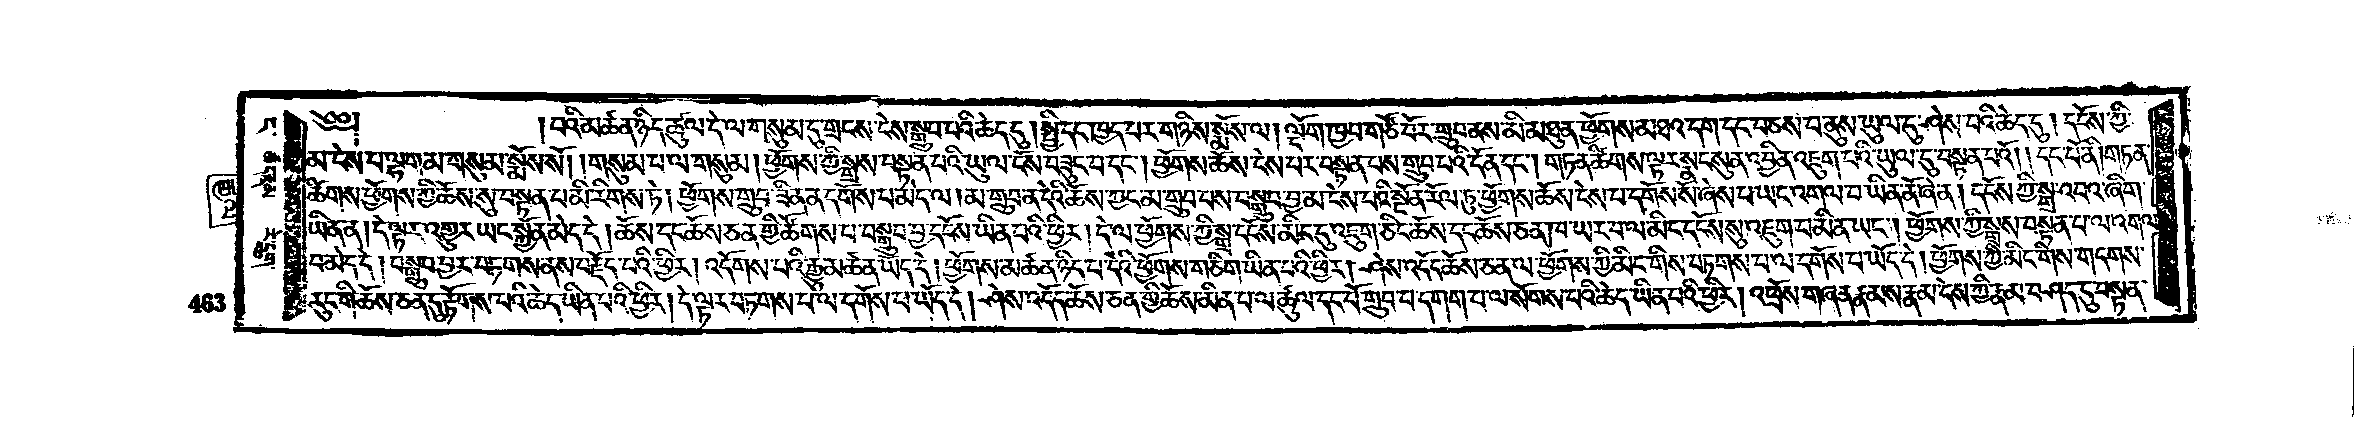༄༅། །པའི་མཚན་ཉིད་ཚུལ་དེ་ལ་གསུམ་དུ་གྲངས་ངེས་སྒྲུབ་པའི་ཆེད་དུ། སྤྱི་དང་ཁྱད་པར་གཉིས་སྨོས་ལ། ལྡོག་ཁྱབ་གཙོ་བོར་གྲུབ་ནས་མི་མཐུན་ཕྱོགས་མཐའ་དག་དང་བཅས་པ་ནུས་ཡུལ་དུ་ཤེས་པའི་ཆེད་དུ། དངོས་ཀྱི་
མ་ངེས་པ་ལྷག་མ་གསུམ་སྨོས་སོ། །གསུམ་པ་ལ་གསུམ། ཕྱོགས་ཀྱི་སྒྲས་བསྟན་པའི་ཡུལ་ངོས་བཟུང་བ་དང་། ཕྱོགས་ཆོས་ངེས་པར་བསྟན་པས་གྲུབ་པའི་དོན་དང་། གཏན་ཚིགས་ལྟར་སྣང་སུན་འབྱིན་འཇུག་པའི་ཡུལ་དུ་བསྟན་པའོ། །དང་པོ་ནི། གཏན་
ཚིགས་ཕྱོགས་ཀྱི་ཆོས་སུ་བསྟན་པ་མི་རིགས་ཏེ། ཕྱོགས་གྲུབ་ཟིན་ན་དགོས་པ་མེད་ལ། མ་གྲུབ་ན་དེའི་ཆོས་ཀྱང་མ་གྲུབ་ན་དེའི་ཆོས་ཀྱང་མ་གྲུབ་པས་བསྒྲུབ་བྱ་མ་ངེས་པའི་སྔོན་རོལ་ཏུ་ཕྱོགས་ཆོས་ངེས་པ་དགོས་སོ་ཞེས་པ་ཡང་འགལ་བ་ཡིན་ནོ་ཞེ་ན། དངོས་ཀྱི་སྒྲ་འབའ་ཞིག་
ཡིན་ན། དེ་ལྟར་འགྱུར་ཡང་སྐྱོན་མེད་དེ། ཆོས་དང་ཆོས་ཅན་གྱི་ཚོགས་པ་བསྒྲུབ་བྱ་དངོས་ཡིན་པའི་ཕྱིར། དེ་ལ་ཕྱོགས་ཀྱི་སྒྲ་དངོས་མིང་དུ་འཇུག་ཅིང་ཆོས་དང་ཆོས་ཅན་ཁ་ཡར་བ་ལ་མིང་དངོས་སུ་འཇུག་བ་མིན་ཡང་། ཕྱོགས་ཀྱི་སྒྲས་བསྟན་པ་ལ་འགལ་
བ་མེད་དེ། བསྒྲུབ་བྱར་བཏགས་ནས་བརྗོད་པའི་ཕྱིར། འདོགས་པའི་རྒྱུ་མཚན་ཡོད་དེ། ཕྱོགས་མཚན་ཉིད་པ་དེའི་ཕྱོགས་གཅིག་ཡིན་པའི་ཕྱིར། ཤེས་འདོད་ཆོས་ཅན་ལ་ཕྱོགས་ཀྱི་མིང་གིས་བཏགས་པ་ལ་དགོས་པ་ཡོད་དེ། ཕྱོགས་ཀྱི་མིང་གིས་གདགས་
རུང་གི་ཆོས་ཅན་དུ་རྟོགས་པའི་ཆེད་ཡིན་པའི་ཕྱིར། དེ་ལྟར་བཏགས་པ་ལ་དགོས་པ་ཡོད་དེ། ཤེས་འདོད་ཆོས་ཅན་གྱི་ཆོས་མིན་པ་ལ་ཚུལ་དང་པོ་གྲུབ་པ་དགག་པ་ལ་སོགས་པའི་ཆེད་ཡིན་པའི་ཕྱིར། འཕྲོས་གཞན་རྣམས་རྣམ་ངེས་ཀྱི་རྣམ་བཤད་དུ་བསྟན་